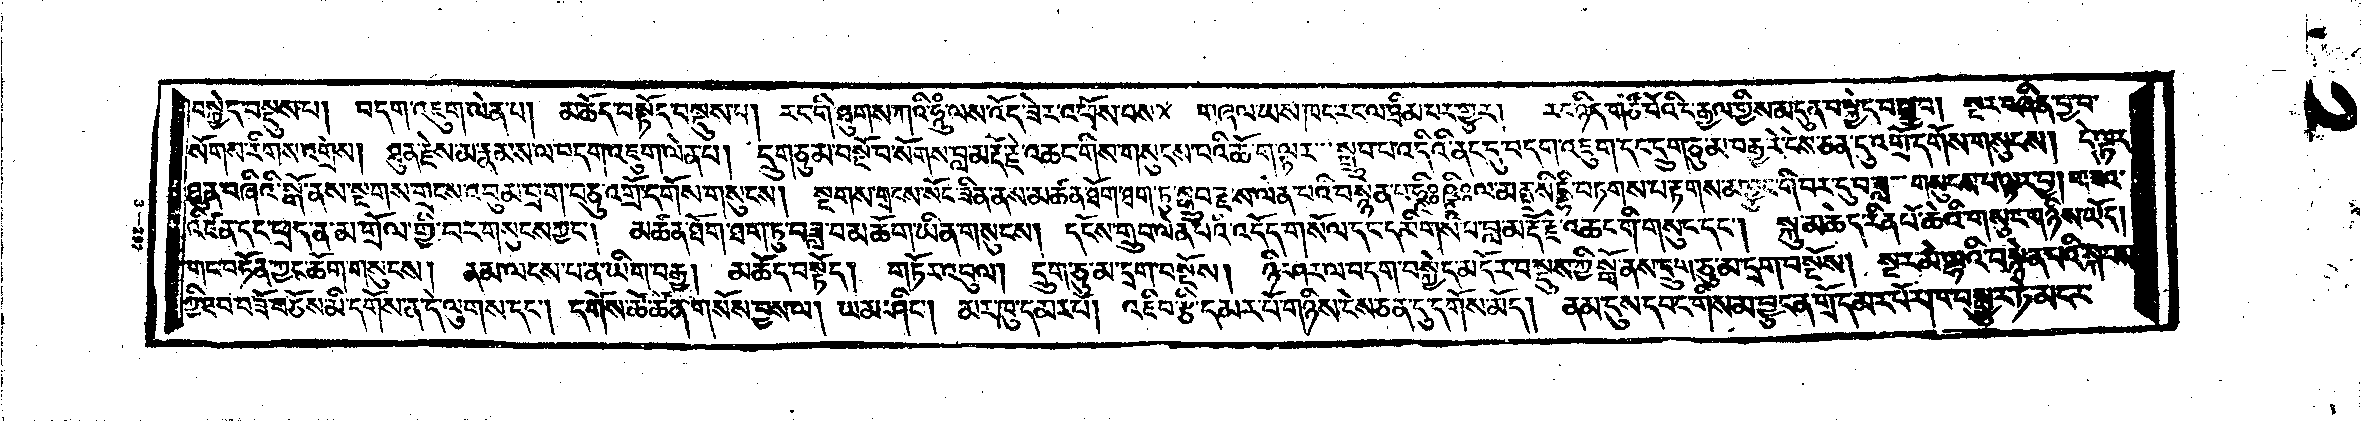བསྐྱེད་བསྡུས་པ། བདག་འཇུག་ལེན་པ། མཆོད་བསྟོད་བསྡུས་པ། རང་གི་ཐུགས་ཀའི་ཧཱུཾ་ལས་འོད་ཟེར་འཕྲོས་པས་྾་གཞལ་ཡས་ཁང་རང་ལ་ཐིམ་པར་གྱུར། རང་ཉིད་གཙོ་བོའི་ང་རྒྱལ་གྱིས་མདུན་བསྐྱེད་བསྒྲུབ། སྔར་བཞིན་བྱ་བ་
སོགས་རིགས་འགྲེས། ཐུན་རྗེས་མ་རྣམས་ལ་བདག་འཇུག་ལེན་པ། དྲུག་ཅུ་མ་བསྔོ་བ་སོགས་བླ་མ་རྡོ་རྗེ་འཆང་གིས་གསུངས་པའི་ཆོག་ལྟར་སྒྲུབ་པ་འདིའི་ནང་དུ་བདག་འཇུག་དང་དྲུག་ཅུ་མ་བརྒྱ་རེ་ངེས་ཅན་དུ་འགྲོ་དགོས་གསུངས། དེ་ལྟར་
ཐུན་བཞིའི་སྒོ་ནས་སྔགས་གྲངས་འབུམ་བྲག་བཅུ་འགྲོ་དགོས་གསུངས། སྔགས་གྲངས་སོང་ཟིན་ནས་མཚན་ཐོག་ཐག་ཏུ་སྒྲུབ་རྫས་ལེན་བའི་བསྙེན་པ་ཧྲཱིཿཥྚཱིཿལ་མནྟྲ་སིདྡྷི་བཏགས་པ་རྟགས་མ་བྱུང་གི་བར་དུ་བཟླ་གསུངས་པ་ལྟར་བྱ། གཟའ་
འཛིན་དང་ཕྲད་ན་མ་གྲོལ་གྱི་བར་གསུངས་ཀྱང་། མཚན་ཐོག་ཐག་ཏུ་བཟླ་བ་མཆོག་ཡིན་གསུངས། དངོས་གྲུབ་ལེན་པའི་འདོད་གསོལ་དང་དམིགས་པ་བླ་མ་རྡོ་རྗེ་འཆང་གི་གསུང་དང་། སྐུ་མཆེད་རིན་པོ་ཆེའི་གསུང་གཉིས་ཡོད།
གང་བཏོན་ཀྱང་ཆོག་གསུངས། ནམ་ལངས་པ་ན་ཡིག་བརྒྱ། མཆོད་བསྟོད། གཏོར་འབུལ། དྲུག་ཅུ་མ་དྲག་བསྔོས། ཉི་ཤར་ལ་བདག་བསྐྱེད་མདོར་བསྡུས་ཀྱི་སྒོ་ནས་དྲུག་ཅུ་མ་དྲག་བསྔོས། སྔར་མེ་ལྷའི་བསྙེན་པའི་སྐབས་
ཀྱི་ཐབ་བཟོ་བཅོས་མི་དགོས་ན་དེ་ལུགས་དང་། དགོས་ཚེ་ཚེན་གསོས་བྱས་ལ། ཡམ་ཤིང་། མར་ཁུ་དམར་པོ། འཇིབ་རྩི་དམར་པོ་གཉིས་ངེས་ཅན་དུ་དགོས་མོད། ནམ་དུས་དབང་གིས་མ་བྱུང་ན་གྲོ་དམར་པོར་ཁ་བསྒྱུར་ཏེ་མངར་